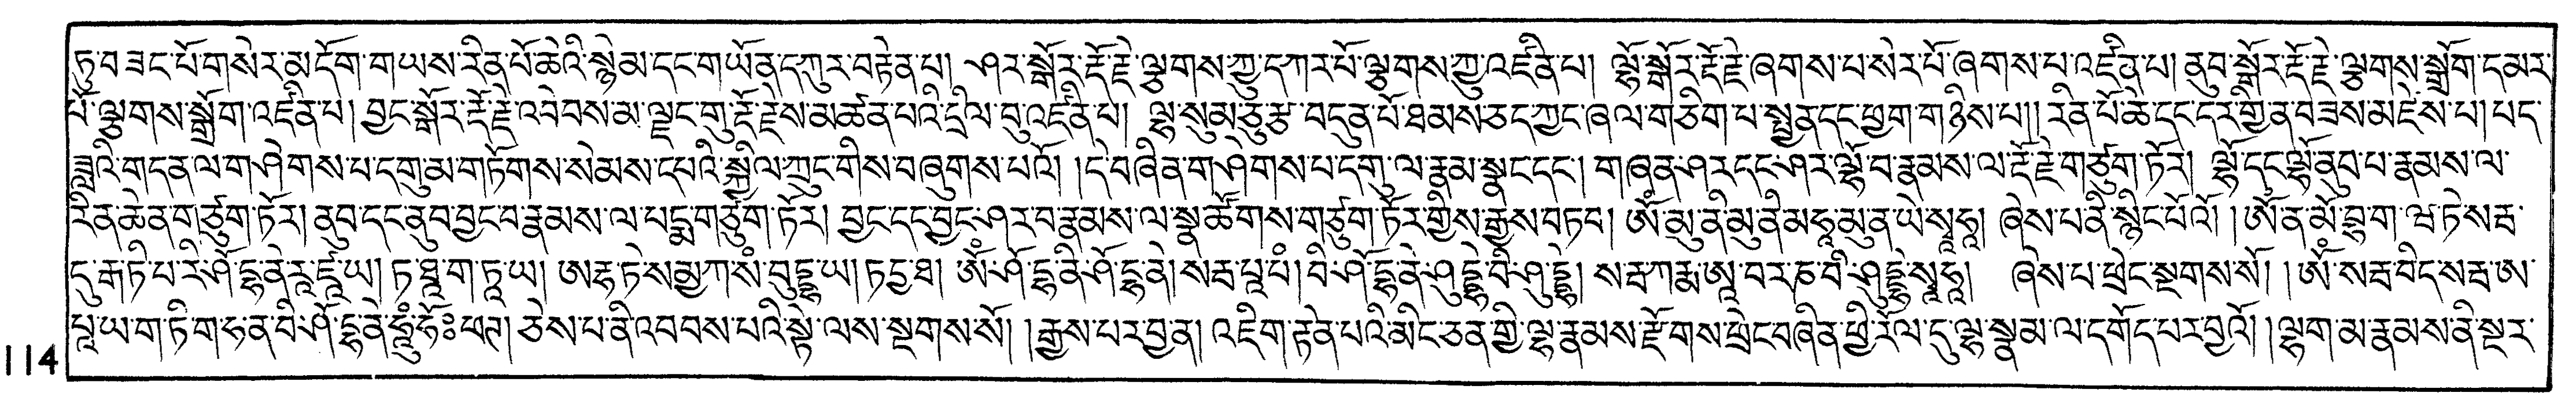ཏུ་བཟང་པོ་གསེར་མདོག་གཡས་རིན་པོ་ཆེའི་སྙེམ་དང་གཡོན་དཀུར་བརྟེན་པ། ཤར་སྒོར་རྡོ་རྗེ་ལྕགས་ཀྱུ་དཀར་པོ་ལྕགས་ཀྱུ་འཛིན་པ། ལྷོ་སྒོར་རྡོ་རྗེ་ཞགས་པ་སེར་པོ་ཞགས་པ་འཛིན་པ། ནུབ་སྒོར་རྡོ་རྗེ་ལྕགས་སྒྲོག་དམར་
པོ་ལྕགས་སྒྲོག་འཛིན་པ། བྱང་སྒོར་རྡོ་རྗེ་འབེབས་མ་ལྗང་གུ་རྡོ་རྗེས་མཚན་པའི་དྲིལ་བུ་འཛིན་པ། ལྷ་སུམ་ཅུ་རྩ་བདུན་པོ་ཐམས་ཅད་ཀྱང་ཞལ་གཅིག་པ་སྤྱན་དང་ཕྱག་གཉིས་པ། །རིན་པོ་ཆེ་དང་དར་གྱི་ན་བཟས་མཛེས་པ། པད་
ཟླའི་གདན་ལ་གཤེགས་པ་དགུ་མ་གཏོགས་སེམས་དཔའི་སྐྱིལ་ཀྲུང་གིས་བཞུགས་པའོ། །དེ་བཞིན་གཤེགས་པ་དགུ་ལ་རྣམ་སྣང་དང་། གཞན་ཤར་དང་ཤར་ལྷོ་བ་རྣམས་ལ་རྡོ་རྗེ་གཙུག་ཏོར། ལྷོ་དང་ལྷོ་ནུབ་པ་རྣམས་ལ་
རིན་ཆེན་གཙུག་ཏོར། ནུབ་དང་ནུབ་བྱང་བ་རྣམས་ལ་པདམ་གཙུག་ཏོར། བྱང་དང་བྱང་ཤར་བ་རྣམས་ལ་སྣ་ཚོགས་གཙུག་ཏོར་གྱིས་རྒྱས་བཏབ། ཨོཾ་མུ་ནི་མུ་ནི་མཧཱ་མུ་ན་ཡེ་སྭཱཧཱ། ཞེས་པ་ནི་སྙིང་པོའོ། །ཨོཾ་ན་མོ་བྷ་ག་ཝ་ཏེ་སརྦ་
དུ་རྒ་ཏི་པ་རི་ཤོ་དྷ་ནེ་རཱ་ཛཱ་ཡ། ཏ་ཐཱ་ག་ཏཱ་ཡ། ཨརྷ་ཏེ་སམྱ་ཀ་སཾ་བུདྡྷ་ཡ། ཏདྱ་ཐ། ཨོཾ་ཤོ་དྷ་ནི་ཤོ་དྷ་ནེ། སརྦ་པཱ་པཾ། བི་ཤོ་དྷ་ནེ་ཤུདྡྷེ་བི་ཤུ་དྡྷེ། སརྦ་ཀརྨ་ཨཱ་བར་ཎ་བི་ཤུདྡྷེ་སྭཱཧཱ། ཞེས་པ་ཕྲེང་སྔགས་སོ། །ཨོཾ་སརྦ་བི་ད་སརྦ་ཨ་
པཱ་ཡ་ག་ཏི་ག་ཧ་ན་བི་ཤོ་དྷ་ནེ་ཧཱུཾ་ཧོཿ ཕཊ། ཅེས་པ་ནི་འབབས་པའི་སྟེ་ལས་སྔགས་སོ། །རྒྱས་པར་བྱ་ན། འཇིག་རྟེན་པའི་མིང་ཅན་གྱི་ལྷ་རྣམས་རྫོགས་ཕྲེང་བཞིན་ཕྱི་རོལ་དུ་ལྷ་སྣམ་ལ་དགོད་པར་བྱའོ། །ལྷག་མ་རྣམས་ནི་སྔ་